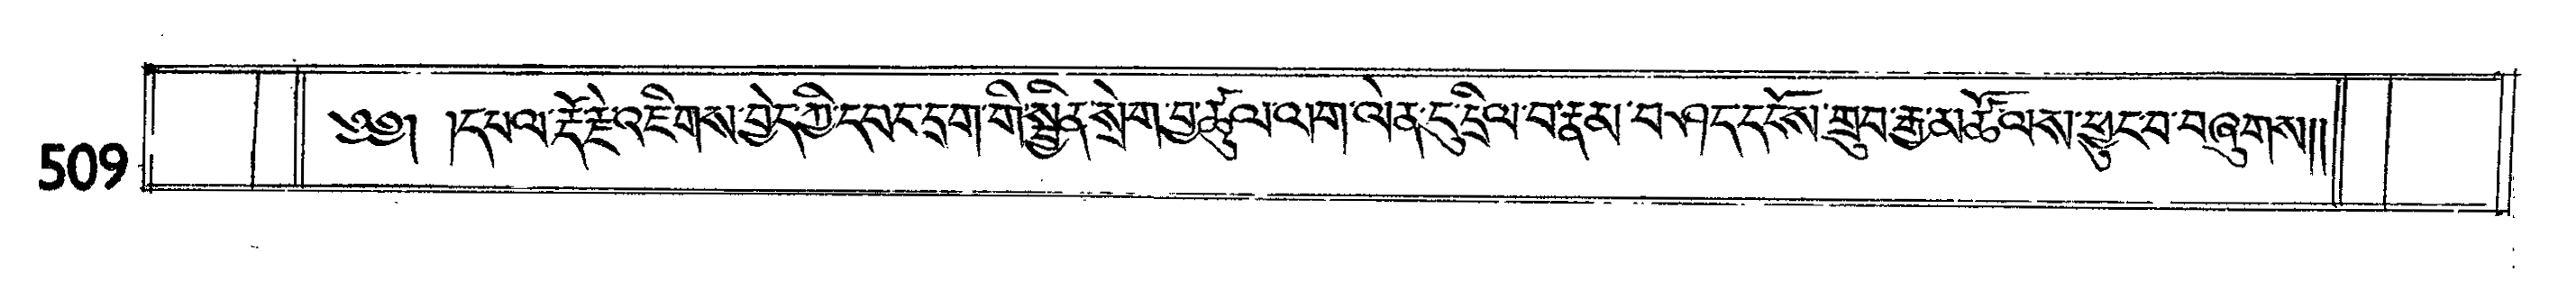༄༅། །དཔལ་རྡོ་རྗེ་འཇིགས་བྱེད་ཀྱི་དབང་དྲག་གི་སྦྱིན་སྲེག་བྱ་ཚུལ་ལག་ལེན་དུ་དྲིལ་བ་རྣམ་བཤད་དངོས་གྲུབ་རྒྱ་མཚོ་ལས་ཕྱུང་བ་བཞུགས།།